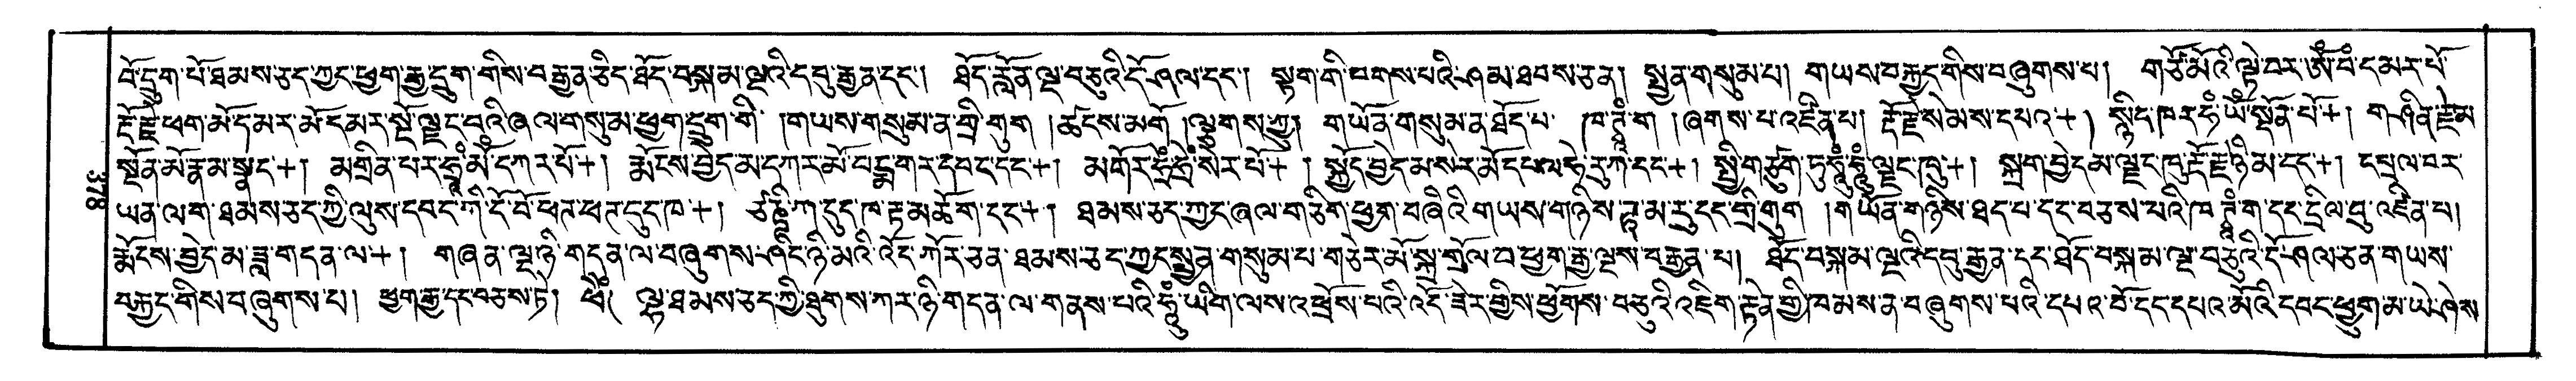བོ་དྲུག་པོ་ཐམས་ཅད་ཀྱང་ཕྱག་རྒྱ་དྲུག་གིས་བརྒྱན་ཅིང་ཐོད་བསྐམ་ལྔའི་དབུ་རྒྱན་དང་། ཐོད་རློན་ལྔ་བཅུའི་དོ་ཤལ་དང་། སྟག་གི་པགས་པའི་ཤ་མ་ཐབས་ཅན། སྤྱན་གསུམ་པ། གཡས་བརྐྱང་གིས་བཞུགས་པ། གཙོ་མོའི་ལྟེ་བར་ཨོཾ་བཾ་དམར་པོ།
རྡོ་རྗེ་ཕག་མོ་དམར་མོ་དམར་སྔོ་ལྗང་བའི་ཞལ་གསུམ་ཕྱག་དྲུག་གིས་གཡས་གསུམ་ན་གྲི་གུག །ཚངས་མགོ །ལྕགས་ཀྱུ། གཡོན་གསུམ་ན་ཐོད་བ། ཁ་ཊྭཱཾ་ག། ཞགས་པ་འཛིན་པ། རྡོ་རྗེ་སེམས་དཔའ་+། སྙིང་ཁར་ཧཾ་ཡོཾ་སྔོན་པོ་+། གཤིན་རྗེ་མ་
སྔོན་མོ་རྣམ་སྣང་+། མགྲིན་པར་ཧྲཱིཾ་མོཾ་དཀར་པོ་+། རྨོངས་བྱེད་མ་དཀར་མོ་པདམ་གར་དབང་དང་+། མགོར་ཧྲེཾ་ཧྲིཾ་སེར་པོ་+། སྐྱོད་བྱེད་མ་སེར་མོ་དཔལ་ཧེ་རུ་ཀ་དང་+། སྤྱི་གཙུག་ཏུ་ཧཱུཾ་ཧཱུཾ་ལྗང་ཁུ་+། སྐྲག་བྱེད་མ་ལྗང་ཁུར་རྡོ་རྗེ་ཉི་མ་དང་+། དཔྲལ་བར་
ཡན་ལག་ཐམས་ཅད་ཀྱི་ལུས་དབང་གི་ངོ་བོ་ཕཊ་ཕཊ་དུད་ཁ་+། ཙཎྜི་ཀ་དུད་ཁ་རྟ་མཆོག་དང་+། ཐམས་ཅད་ཀྱང་ཞལ་གཅིག་ཕྱག་བཞིའི་གཡས་གཉིས་ཌཱ་མ་རུ་དང་གྲི་གུག །གཡོན་གཉིས་ཐོད་པ་དང་བཅས་པའི་ཁ་ཊྭཱཾ་ག་དང་དྲིལ་བུ་འཛིན་པ།
རྨོངས་བྱེད་མ་ཟླ་གདན་ལ་+། གཞན་ལྔ་ཉི་གདན་ལ་བཞུགས་ཤིང་ཉི་མའི་འོད་ཀོར་ཅན་ཐམས་ཅད་ཀྱང་སྤྱན་གསུམ་པ་གཅེར་མོ་སྐྲ་གྲོལ་བ་ཕྱག་རྒྱ་ལྔས་བརྒྱན་པ། ཐོད་བསྐམ་ལྔའི་དབུ་རྒྱན་དང་ཐོད་བསྐམ་ལྔ་བཅུའི་དོ་ཤལ་ཅན་གཡས་
བརྐྱད་གིས་བཞུགས་པ། ཕྱག་རྒྱ་དང་བཅས་ཏེ། ཕཻཾ༑ ལྷ་ཐམས་ཅད་ཀྱི་ཐུགས་ཀར་ཉི་གདན་ལ་གནས་པའི་ཧཱུཾ་ཡིག་ལས་འཕྲོས་པའི་འོད་ཟེར་གྱིས་ཕྱོགས་བཅུའི་འཇིག་རྟེན་གྱི་ཁམས་ན་བཞུགས་པའི་དཔའ་བོ་དང་དཔའ་མོའི་དབང་ཕྱུག་མ་ཡེ་ཤེས་